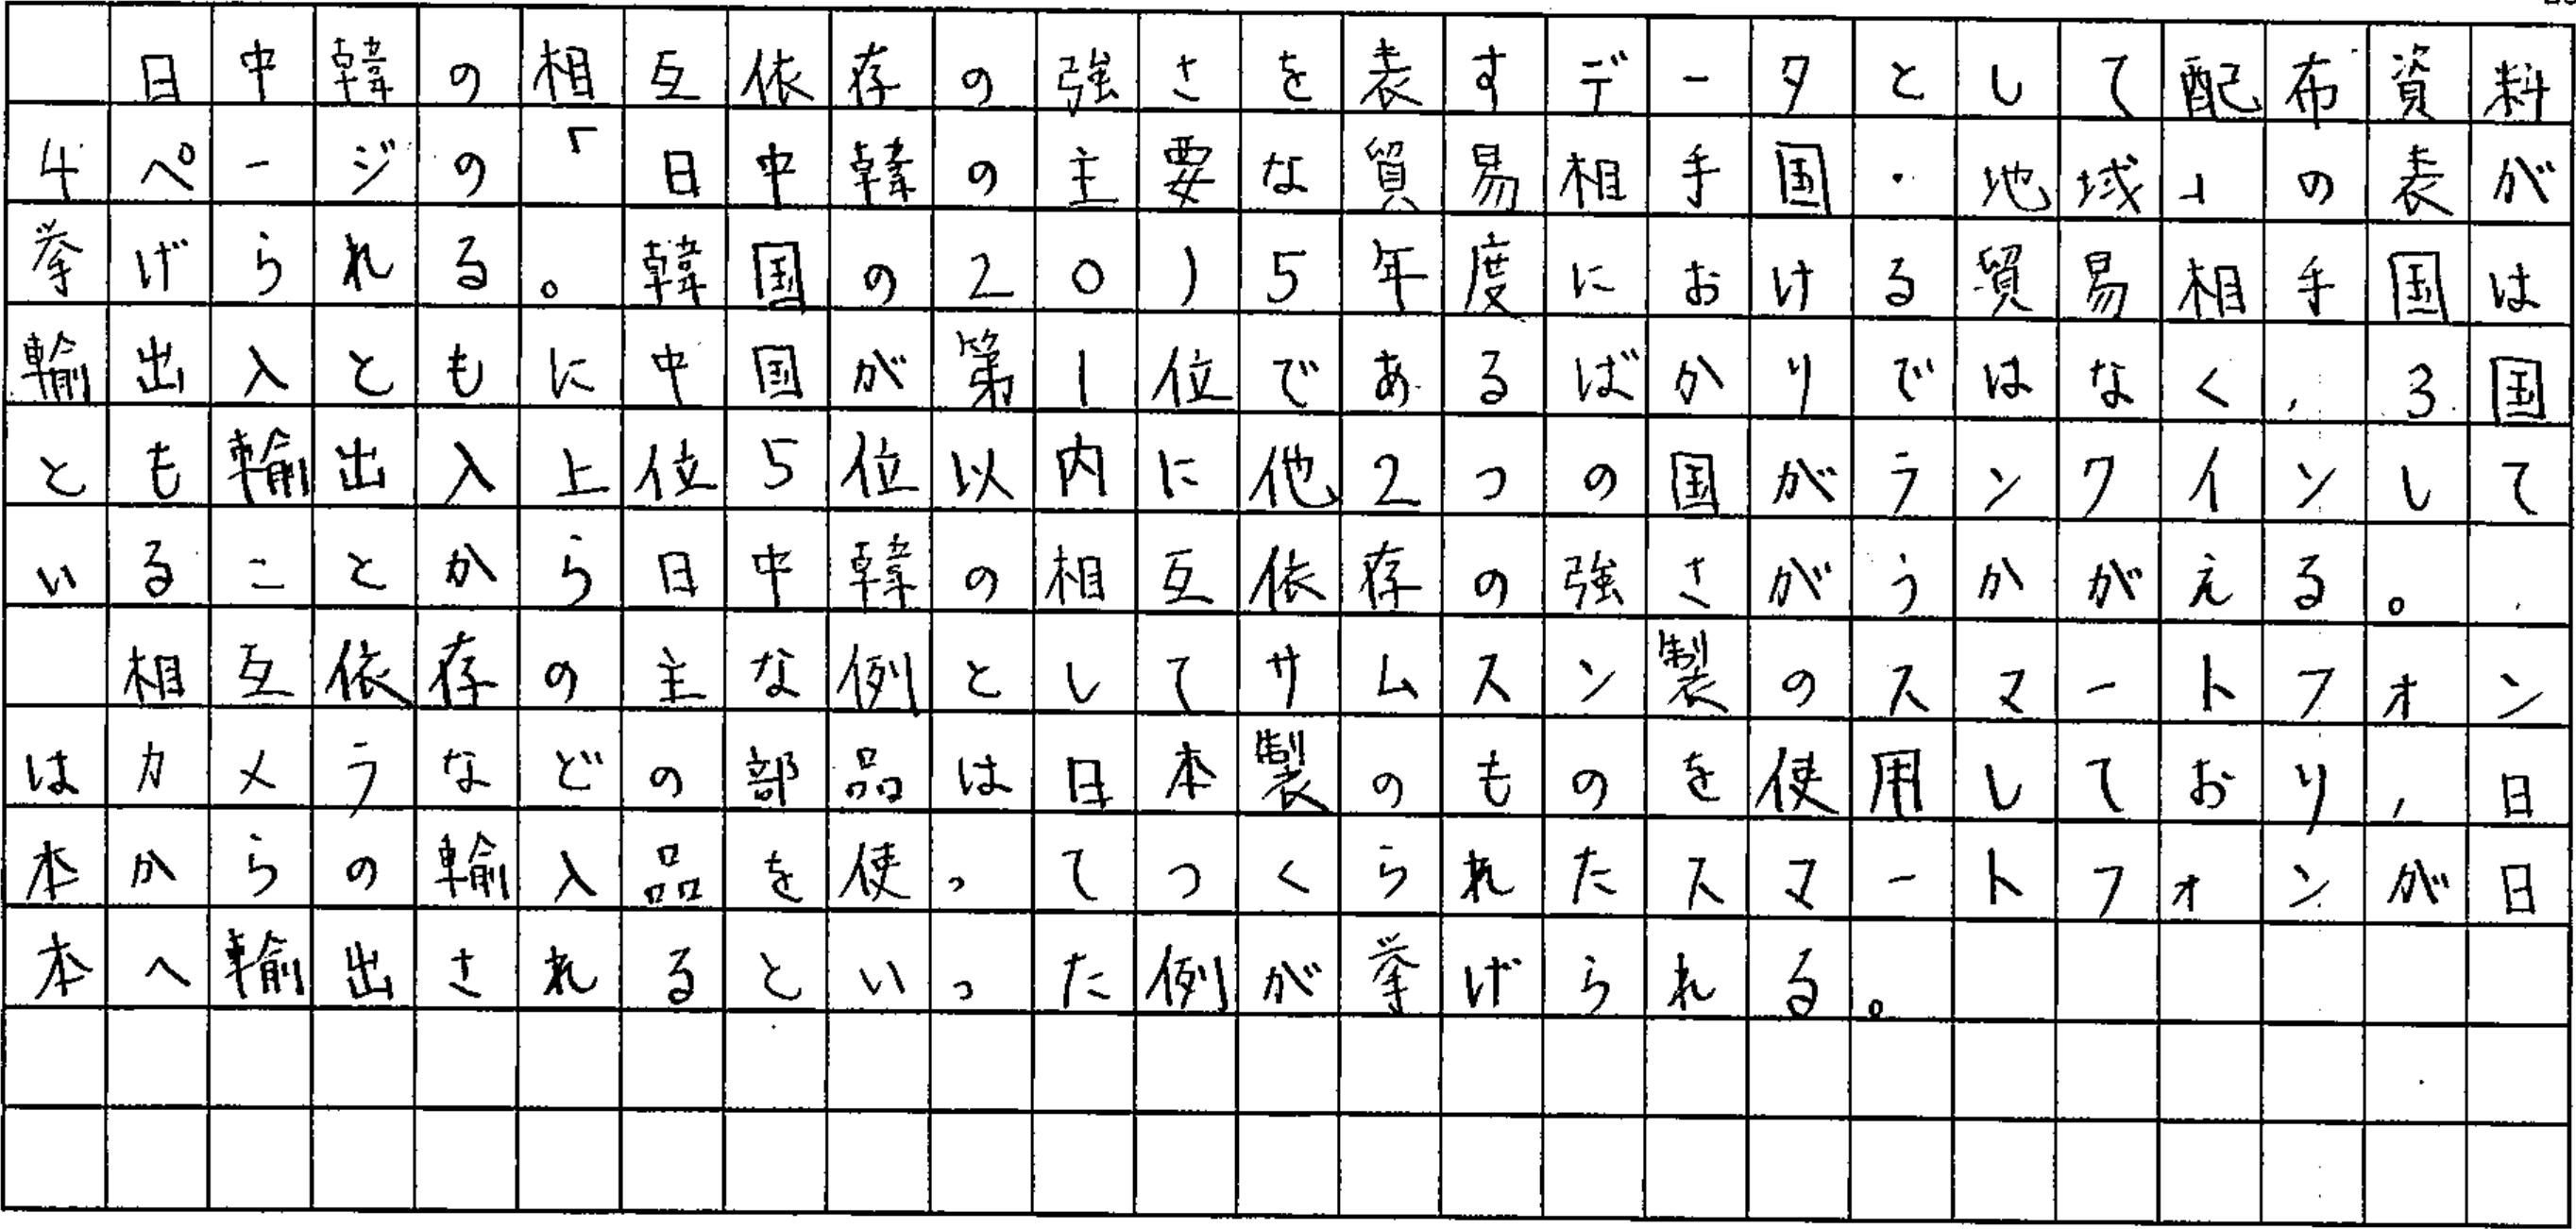　日中韓の相互依存の強さを表すデータとして配布資料４ページの「日中韓の主要な貿易相手国・地域」の表が挙げられる。韓国の２０１５年度における貿易相手国は輸出入ともに中国が第１位であるばかりではなく，３国とも輸出入上位５位以内に他２つの国がランクインしていることから日中韓の相互依存の強さがうかがえる。
　相互依存の主な例としてサムスン製のスマートフォンはカメラなどの部品は日本製のものを使用しており，日本からの輸入品を使ってつくられたスマートフォンが日本へ輸出されるといった例が挙げられる。
